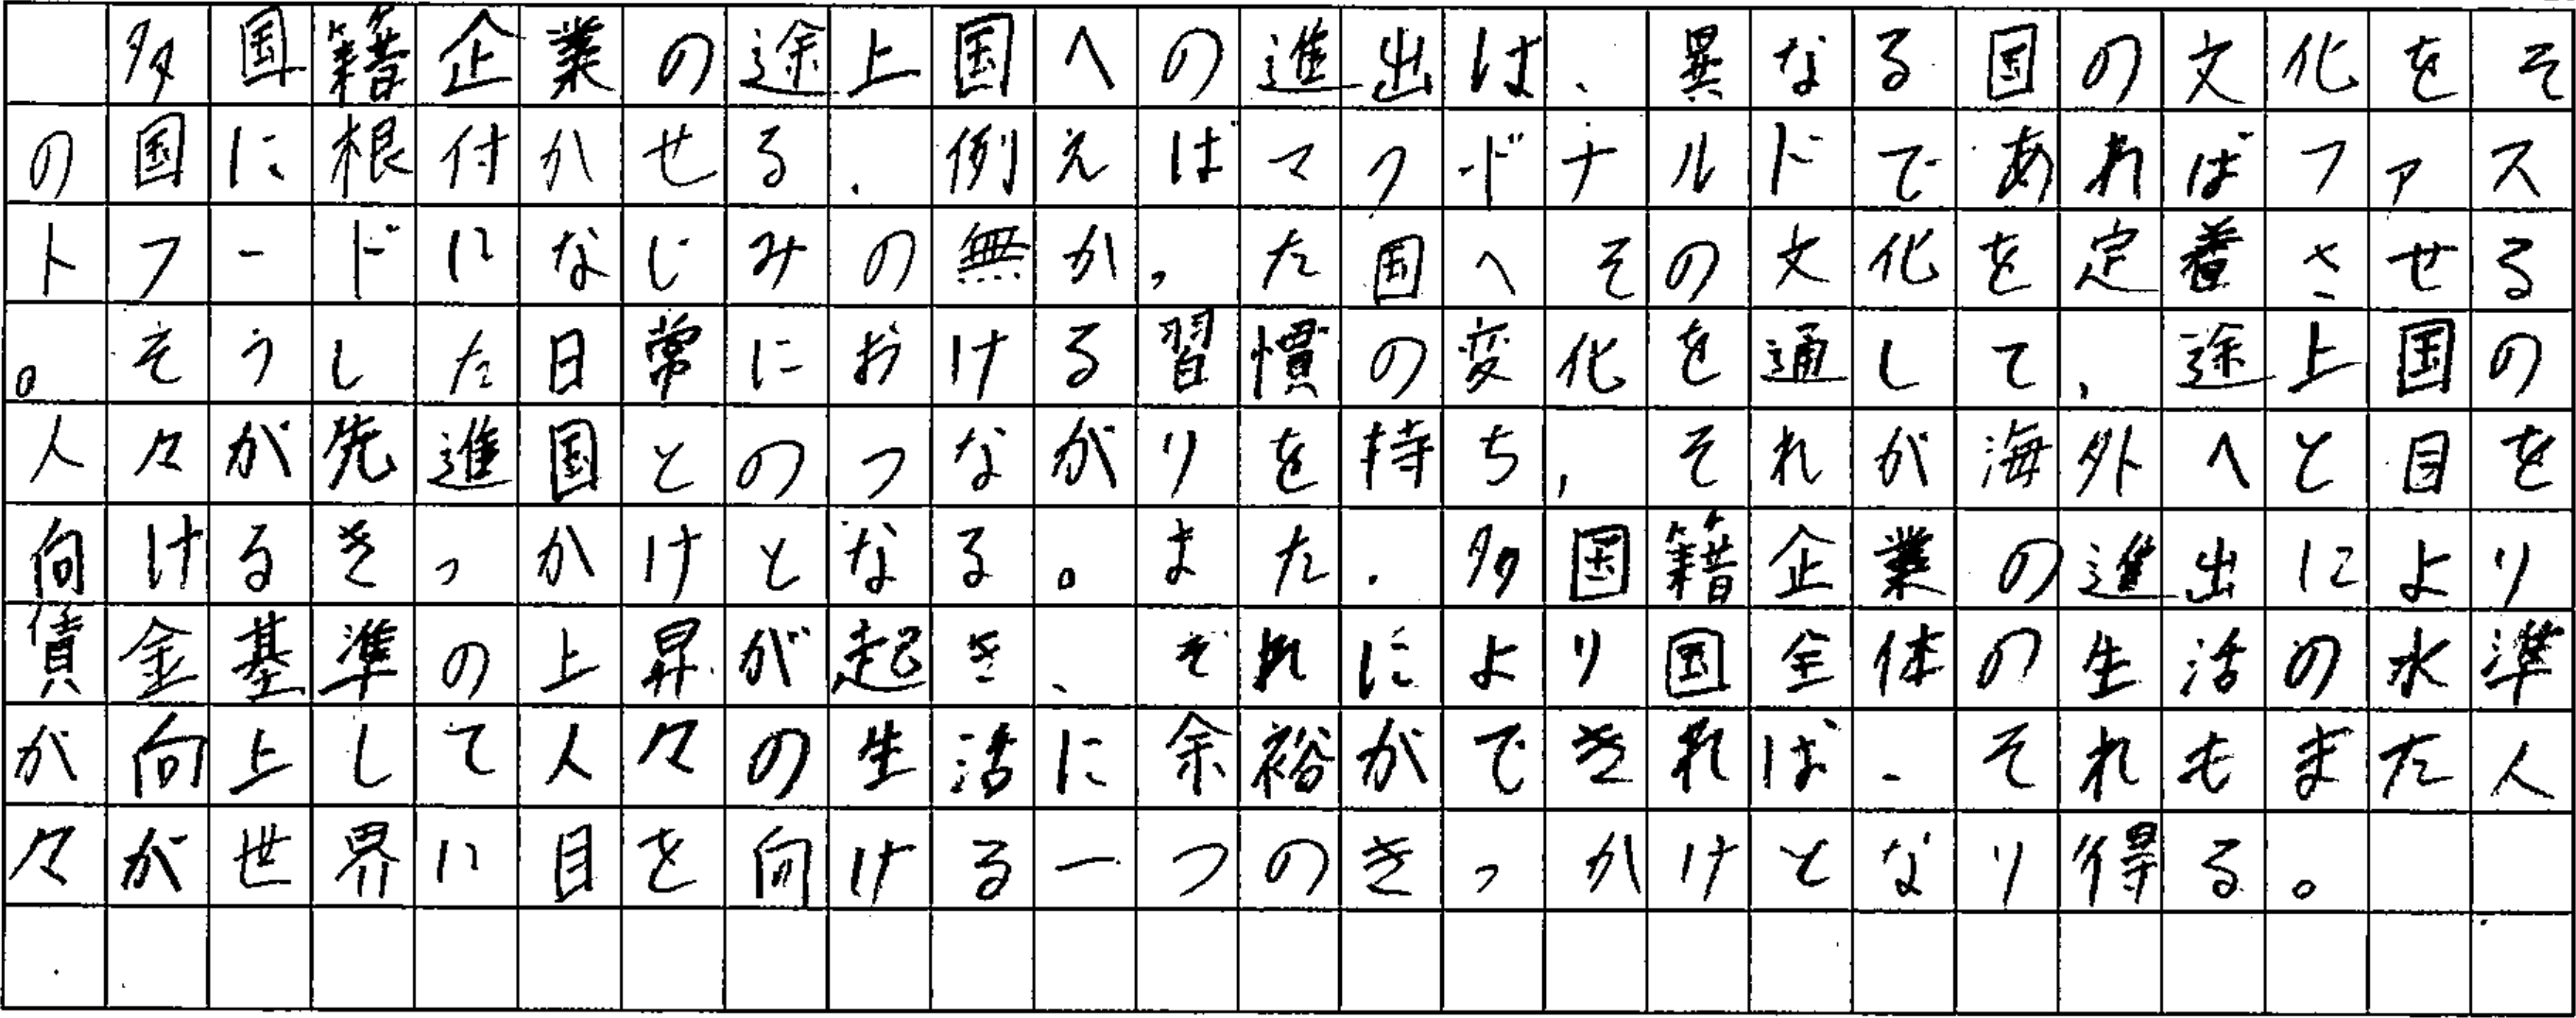　多国籍企業の途上国への進出は、異なる国の文化をその国に根付かせる。例えばマクドナルドであればファストフードになじみの無かった国へその文化を定着させる。そうした日常における習慣の変化を通して、途上国の人々が先進国とのつながりを持ち、それが海外へと目を向けるきっかけとなる。また、多国籍企業の進出により賃金基準の上昇が起き、それにより国全体の生活の水準が向上して人々の生活に余裕ができれば、それもまた人々が世界に目を向ける一つのきっかけとなり得る。
